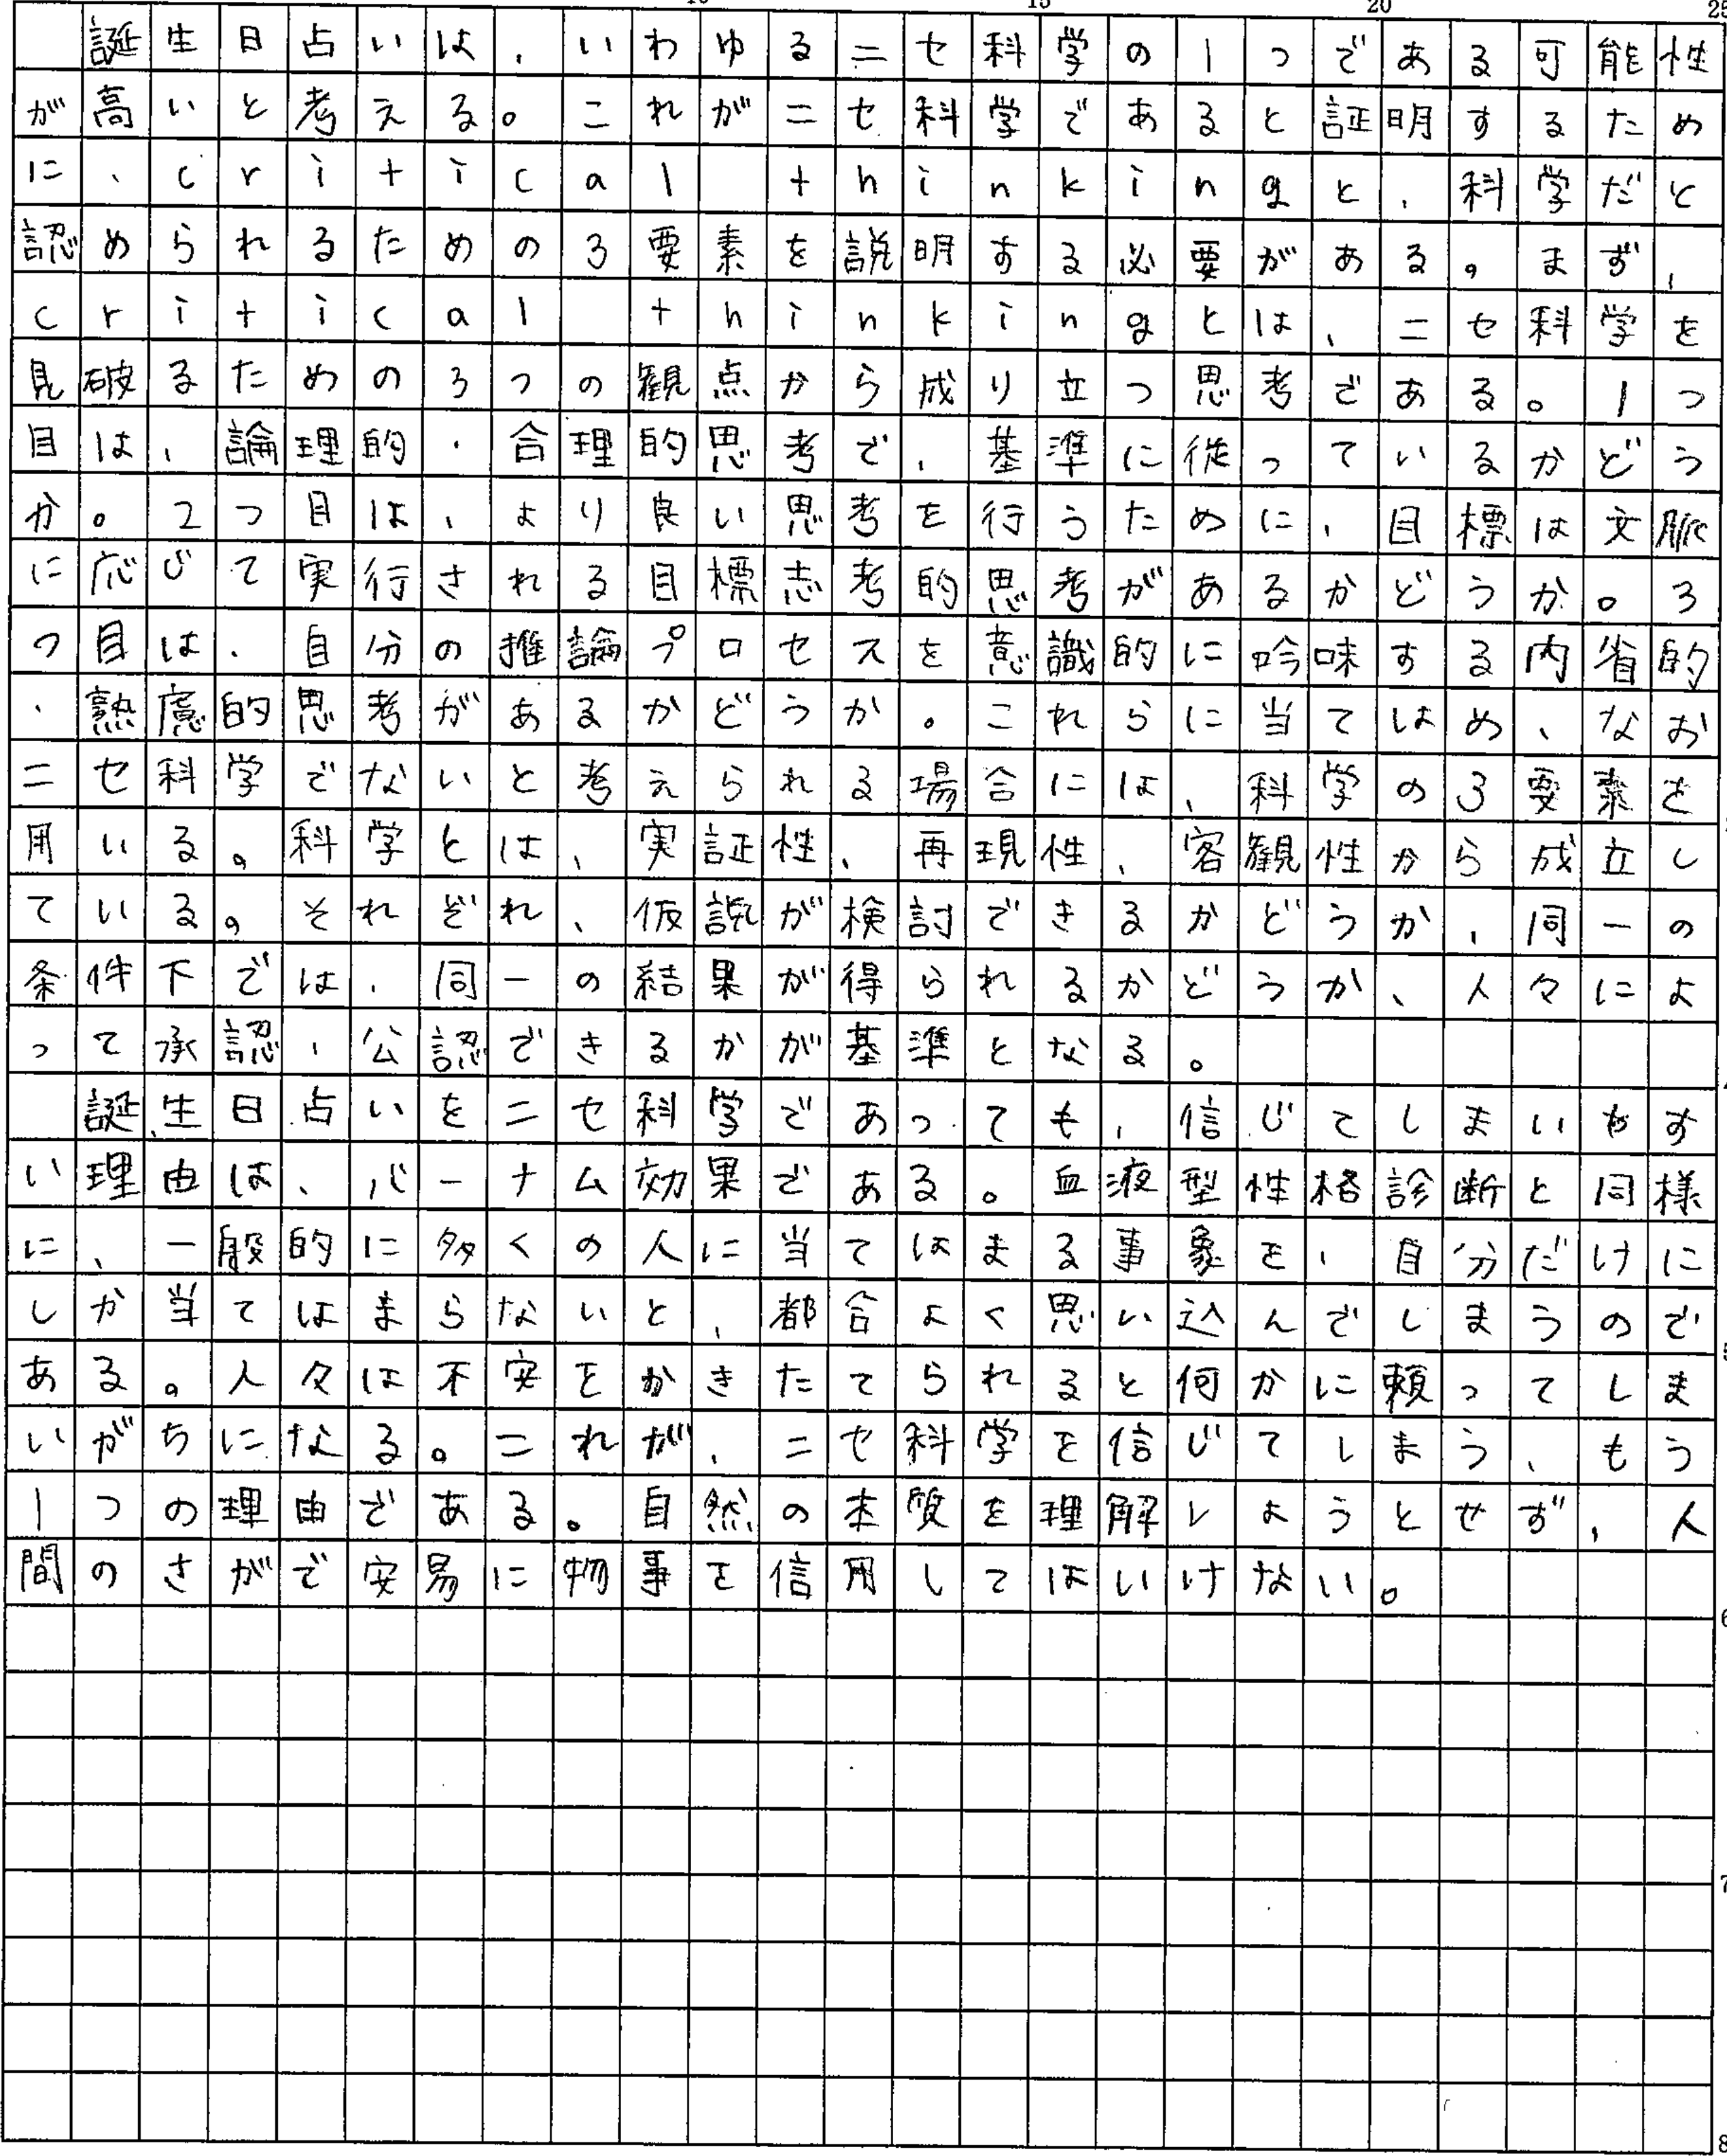　誕生日占いは、いわゆるニセ科学の１つである可能性が高いと考える。これがニセ科学であると証明するために、ｃｒｉｔｉｃａｌ　ｔｈｉｎｋｉｎｇと、科学だと認められるための３要素を説明する必要がある。まず、ｃｒｉｔｉｃａｌ　ｔｈｉｎｋｉｎｇとは、ニセ科学を見破るための３つの観点から成り立つ思考である。１つ目は、論理的・合理的思考で、基準に従っているかどうか。２つ目は、より良い思考を行うために、目標は文脈に応じて実行される目標志考的思考があるかどうか。３つ目は、自分の推論プロセスを意識的に吟味する内省的・熟慮的思考があるかどうか。これらに当てはめ、なおニセ科学でないと考えられる場合には、科学の３要素を用いる。科学とは、実証性、再現性、客観性から成立している。それぞれ、仮説が検討できるかどうか、同一の条件下では、同一の結果が得られるかどうか、人々によって承認・公認できるかが基準となる。
　誕生日占いをニセ科学であっても、信じてしまいやすい理由は、バーナム効果である。血液型性格診断と同様に、一般的に多くの人に当てはまる事象を、自分だけにしか当てはまらないと、都合よく思い込んでしまうのである。人々は不安をかきたてられると何かに頼ってしまいがちになる。これが、ニセ科学を信じてしまう、もう１つの理由である。自然の本質を理解しようとせず、人間のさがで安易に物事を信用してはいけない。
